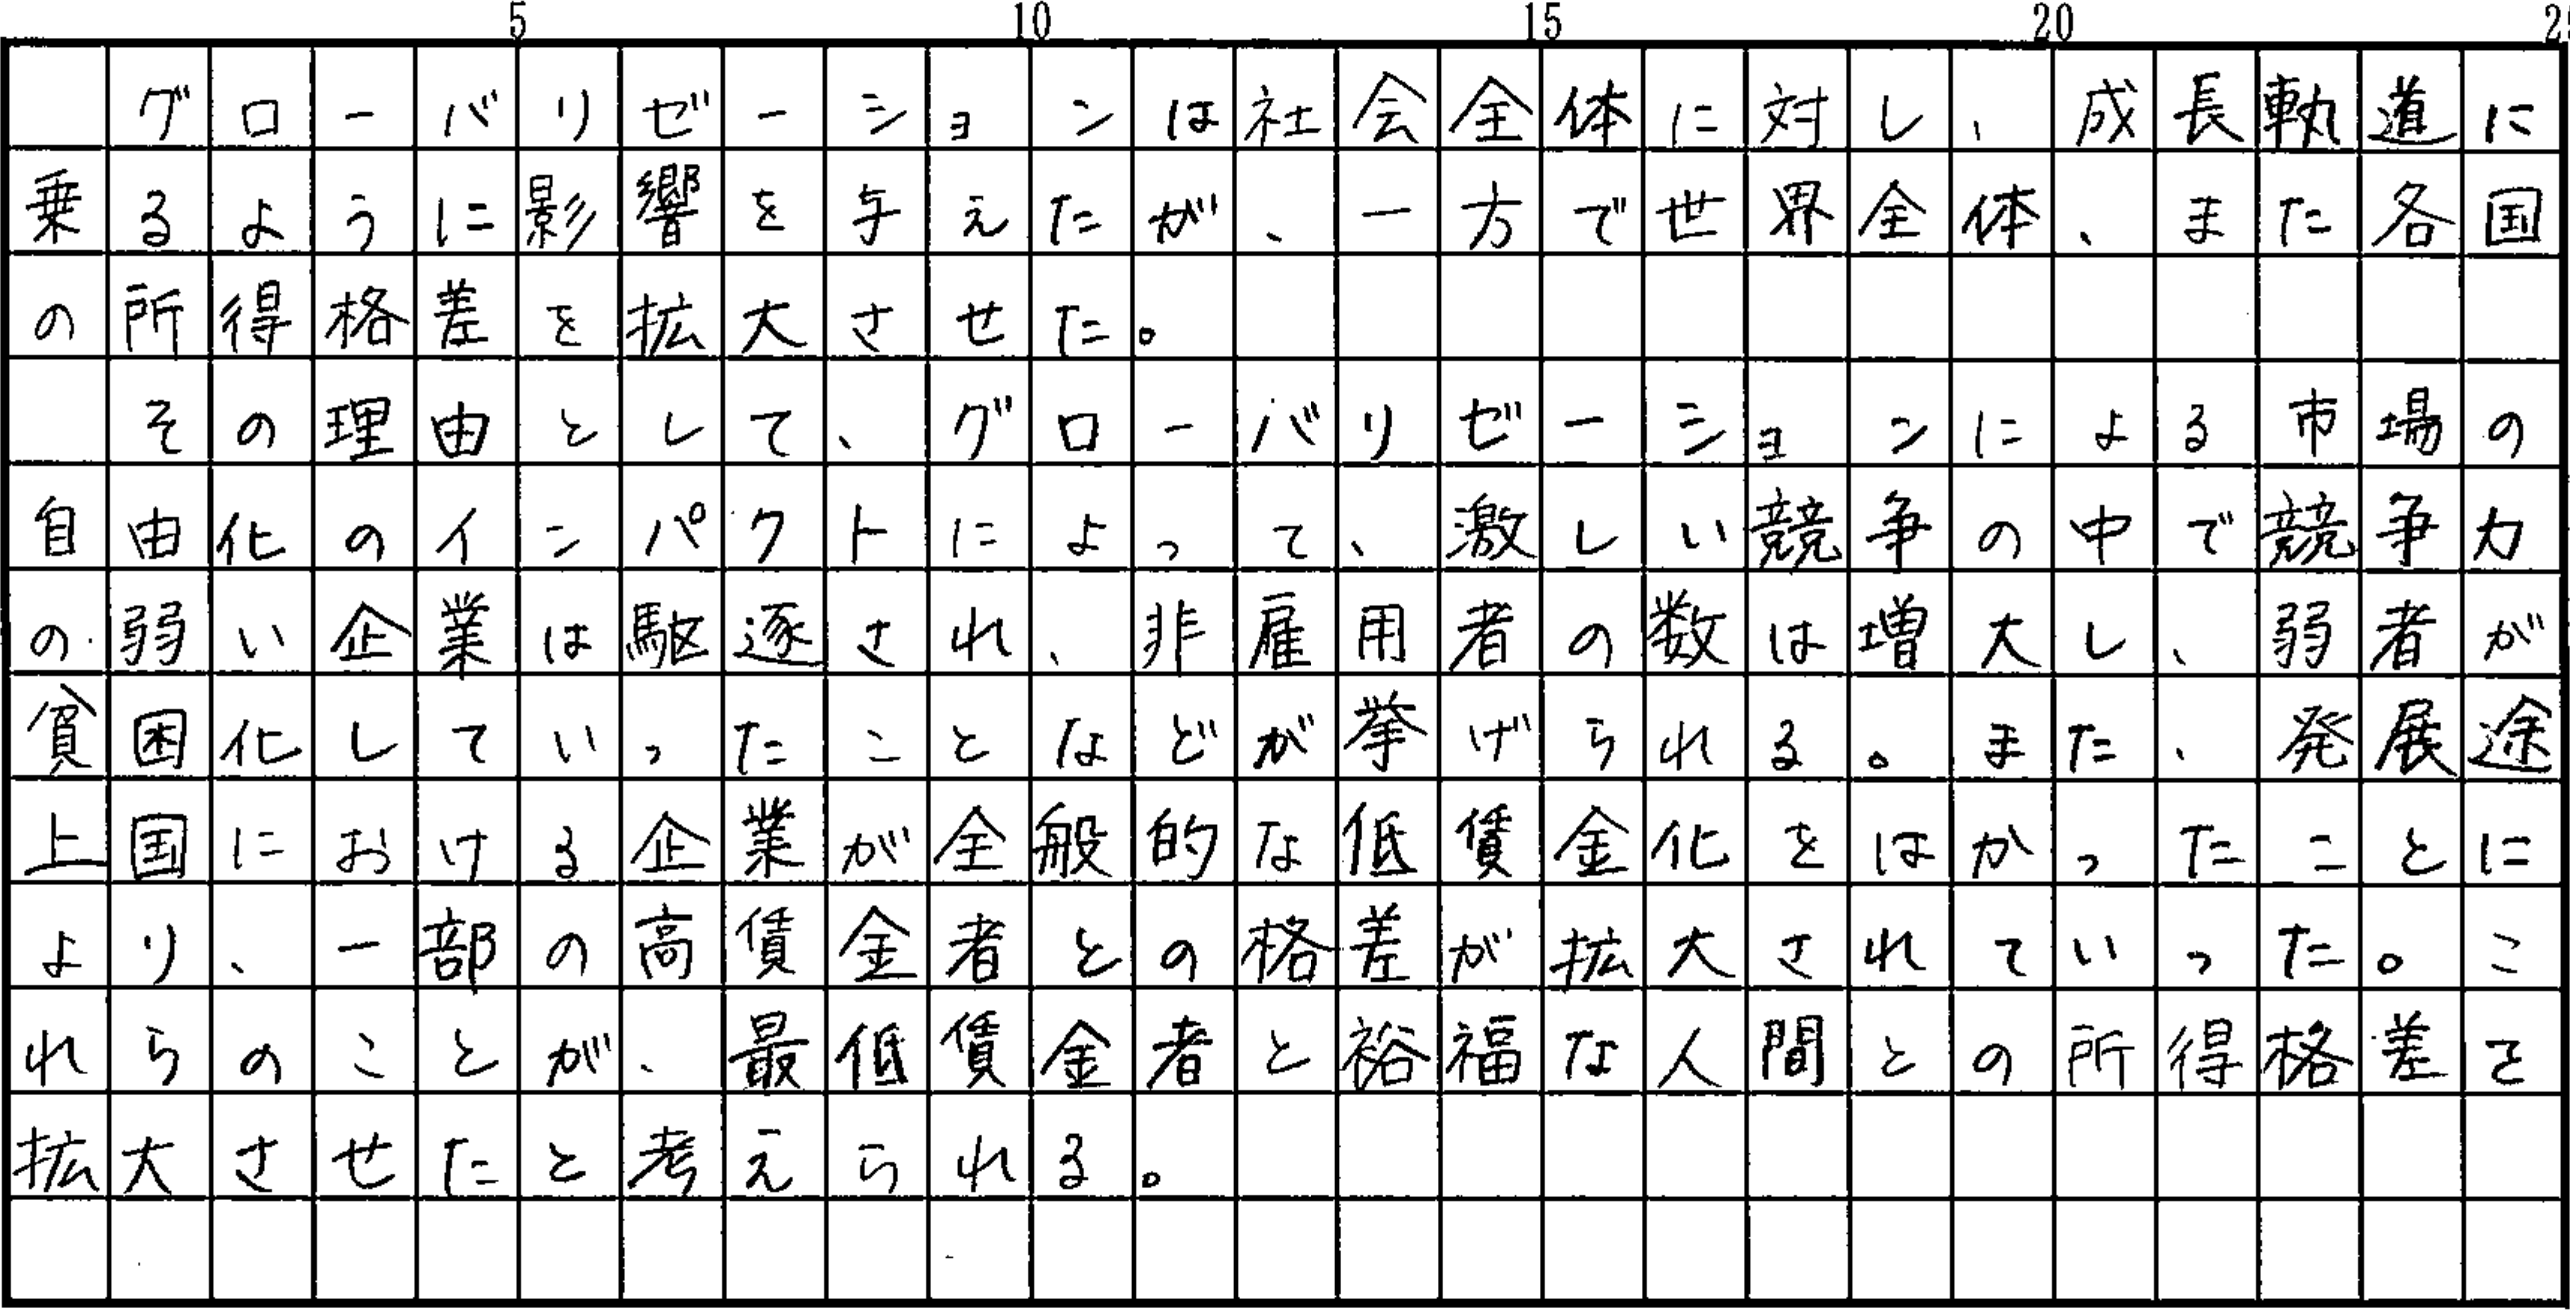　グローバリゼーションは社会全体に対し、成長▁道に乗るように影響を与えたが、一方で世界全体、また各国の所得格差を拡大させた。
　その理由として、グローバリゼーションによる市場の自由化のインパクトによって、激しい競争の中で競争力の弱い企業は駆逐され、非雇用者の数は増大し、弱者が貧困化していったことなどが挙げられる。また、発展途上国における企業が全般的な低賃金化をはかったことにより、一部の高賃金者との格差が拡大されていった。これらのことが、最低賃金者と裕福な人間との所得格差を増大させたと考えられる。
